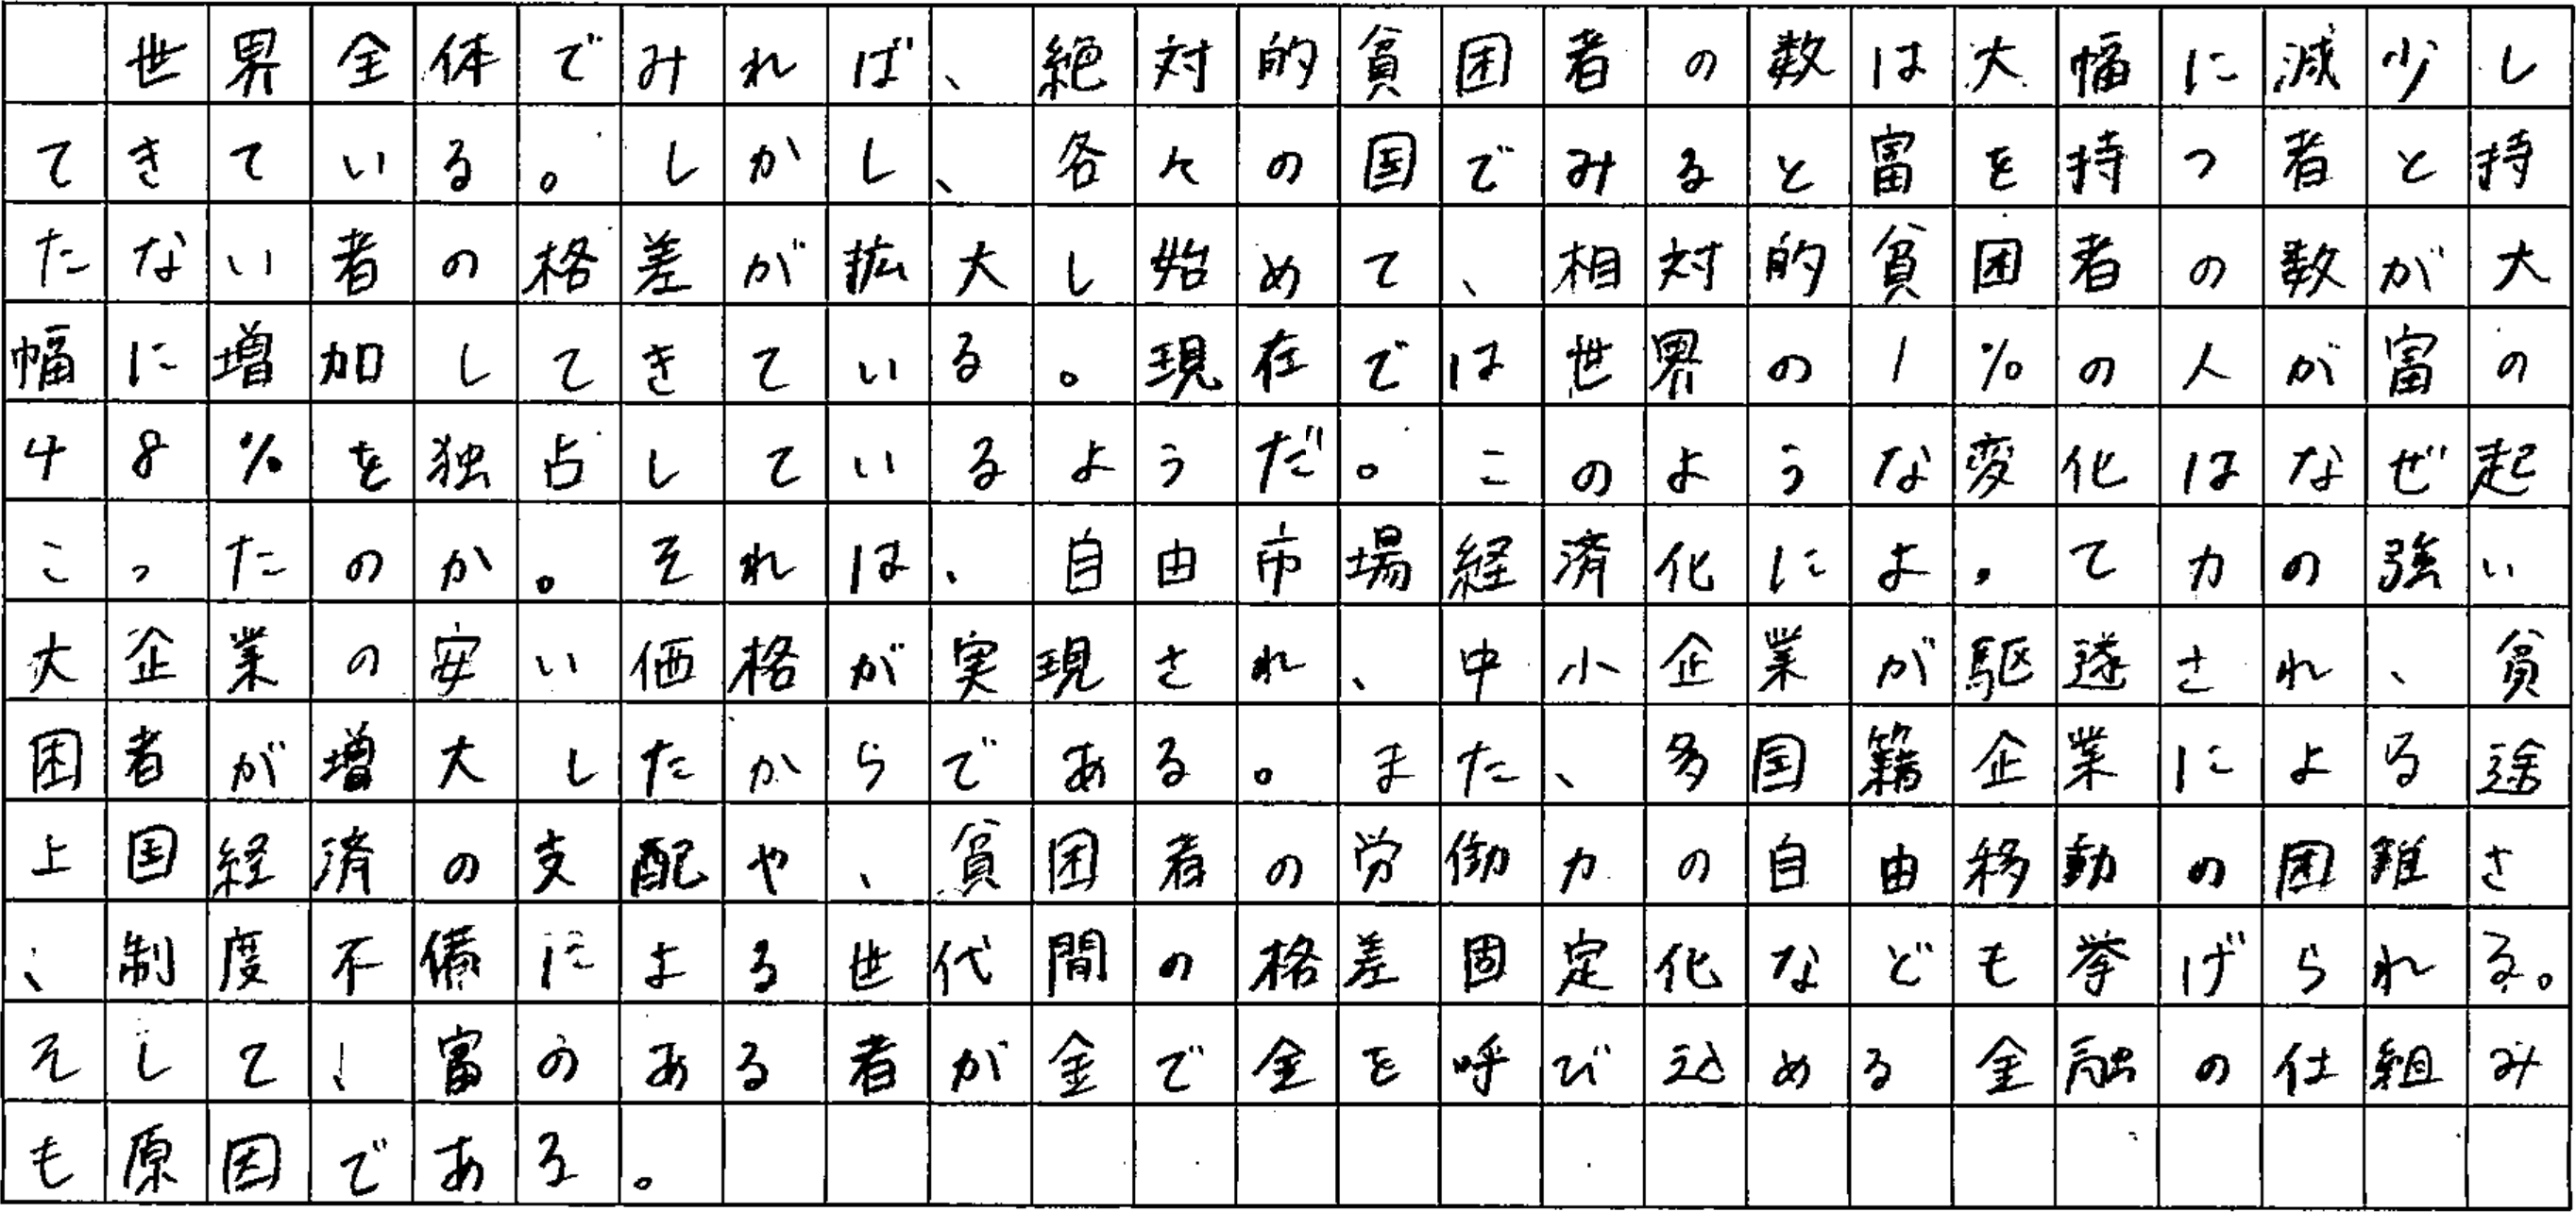　世界全体でみれば、絶対的貧困者の数は大幅に減少してきている。しかし、各々の国でみると富を持つ者と持たない者の格差が拡大し始めて、相対的貧困者の数が大幅に増加してきている。現在では世界の１％の人が富の４８％を独占しているようだ。このような変化はなぜ起こったのか。それは、自由市場経済化によって力の強い大企業の安い価格が実現され、中小企業が駆逐され、貧困者が増大したからである。また、多国籍企業による途上国経済の支配や、貧困者の労働力の自由移動の困難さ、制度不備による世代間の格差固定化なども挙げられる。そして、富のある者が金で金を呼び込める金融の仕組みも原因である。
